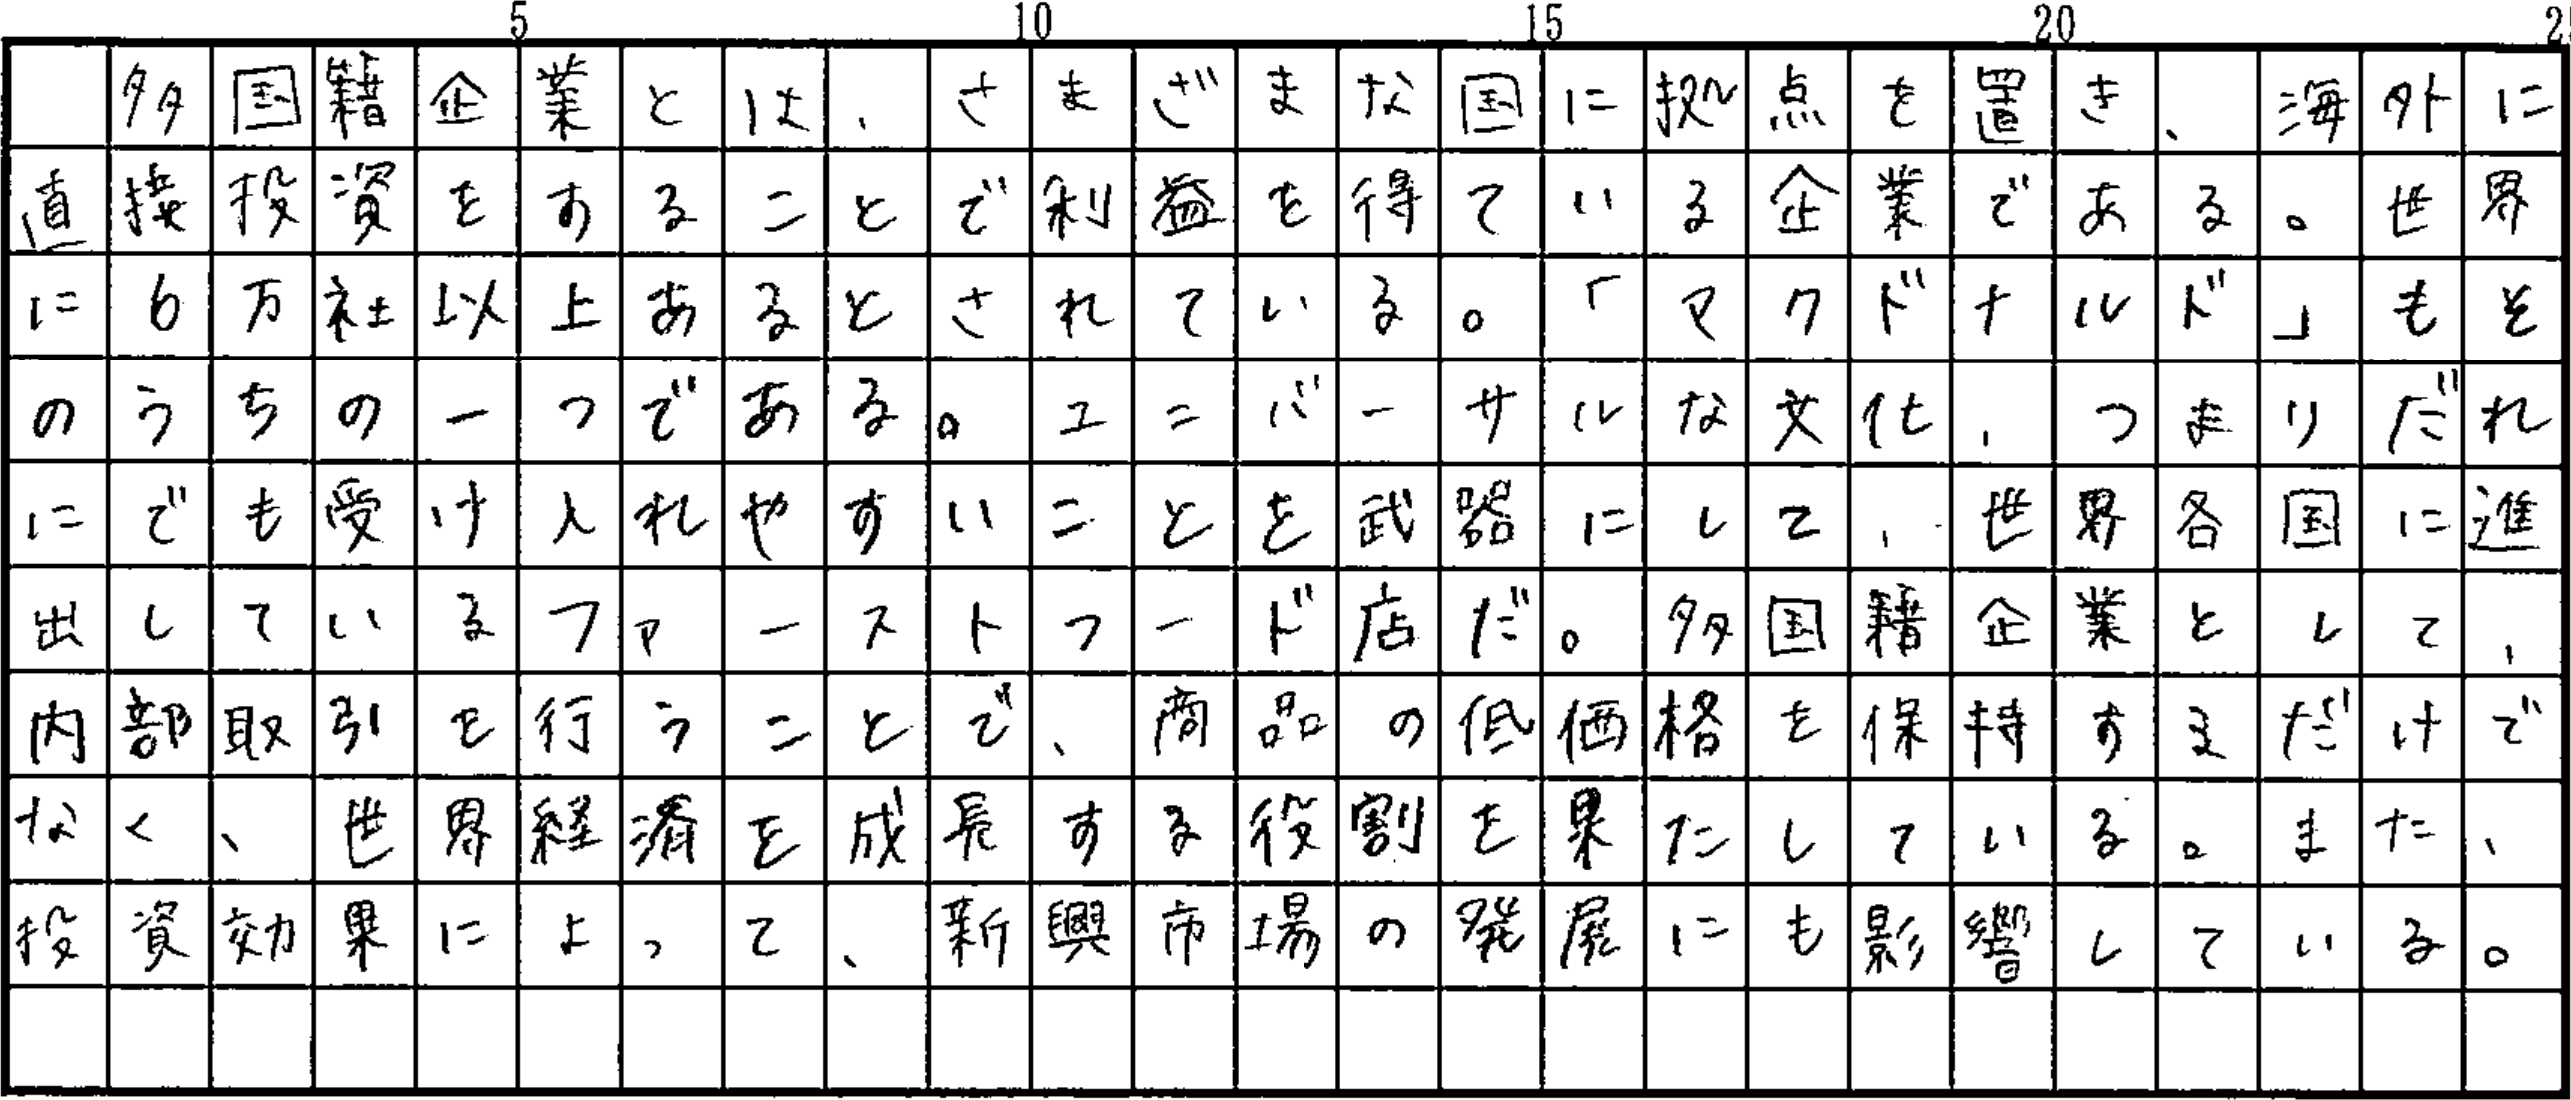　多国籍企業とは、さまざまな国に拠点を置き、海外に直接投資をすることで利益を得ている企業である。世界に６万社以上あるとされている。「マクドナルド」もそのうちの一つである。ユニバーサルな文化、つまりだれにでも受け入れやすいことを武器にして、世界各国に進出しているファーストフード店だ。多国籍企業として、内部取引を行うことで、商品の低価格を保持するだけでなく、世界経済を成長する役割を果たしている。また、投資効果によって、新興市場の発展にも影響している。
